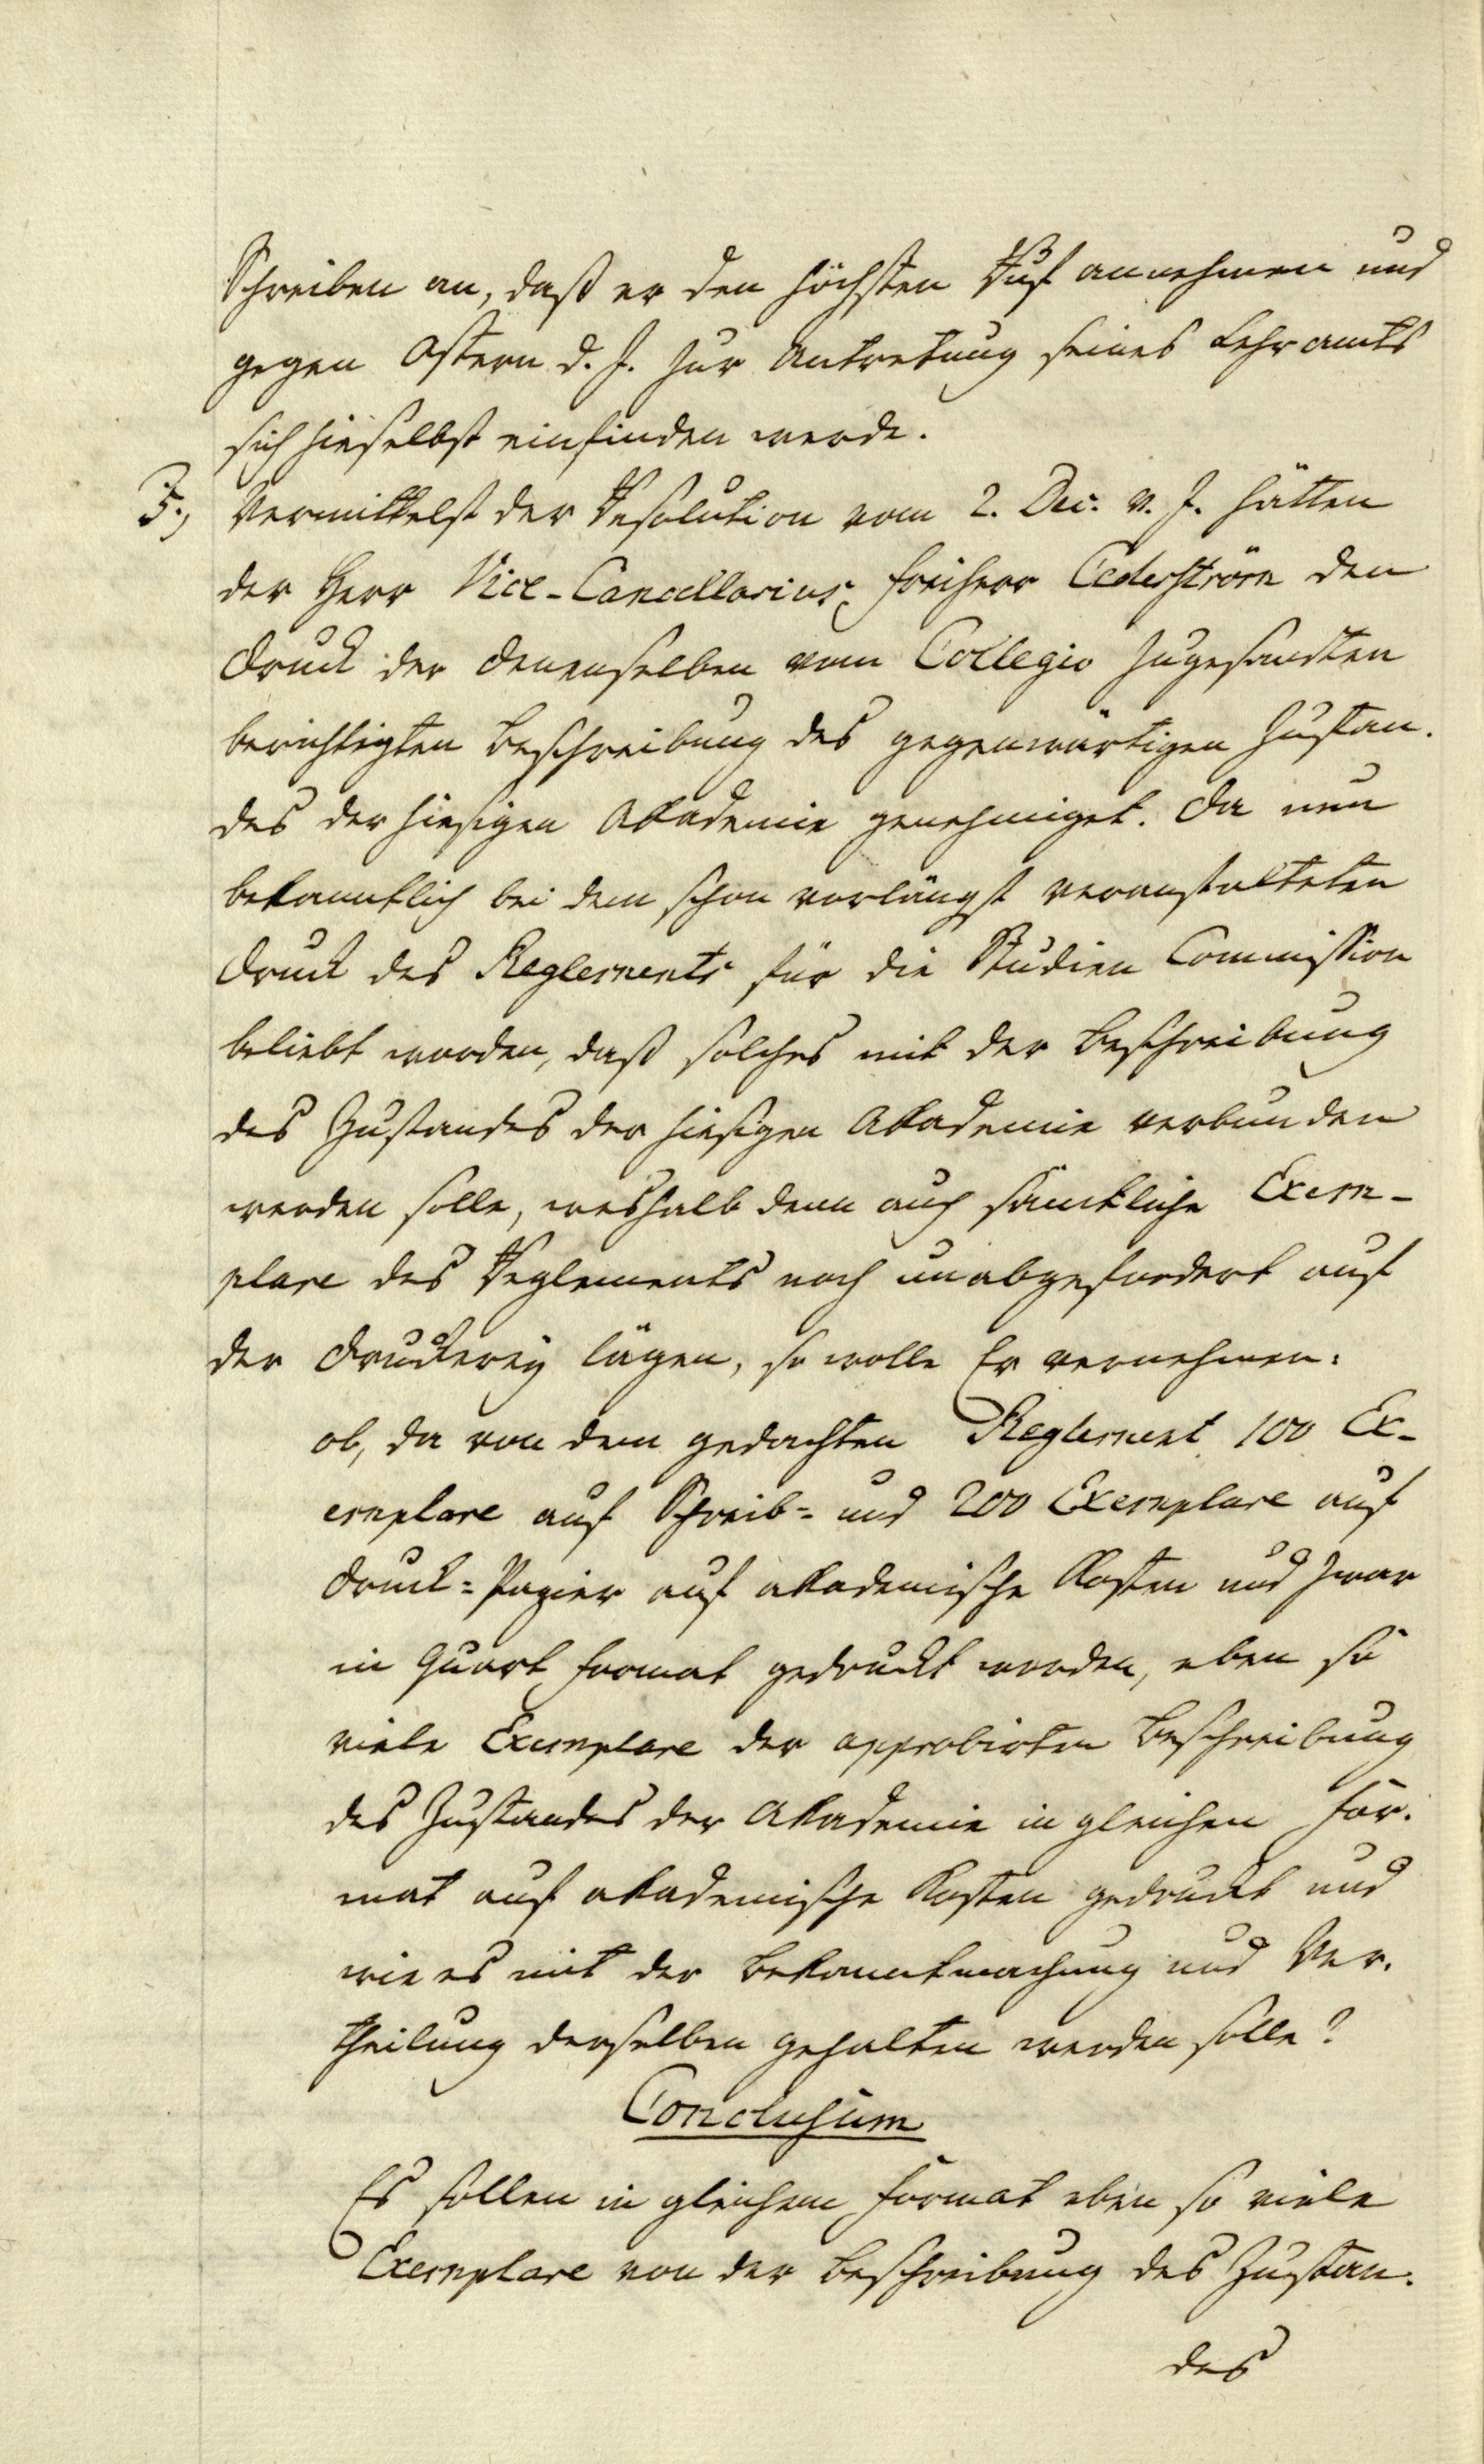Schreiben an, daß er den höchsten Ruf annehmen und
gegen Ostern d. J. zur Antretung seines Lehramts
sich hieselbst einfinden werde.
5., Vermittelst der Resolution vom 2. Dec. v. J. hätten
der Herr Vice Cancellarius Freiherr Cederström den
Druck der Denenselben vom Collegio zugesandten
berichtigten Beschreibung des gegenwärtigen Zustan¬
des der hiesigen Akademie genehmiget. Da nun
bekanntlich bei dem schon vorlängst veranstalteten
Druck des Reglements für die Studien Commission
beliebt worden, daß solches mit der Beschreibung
des Zustandes der hiesigen Akademie verbunden
werden solle, weshalb denn auch sämtliche Exem¬
plare des Reglements noch unabgefordert auf
der Druckereÿ lägen, so wolle Er vernehmen:
ob, da von dem gedachten Reglement 100 Ex¬
emplare auf Schreib- und 200 Exemplare auf
Druck- Papier auf akademische Kosten und zwar
in Quart Format gedruckt worden, eben so
viele Exemplare der approbirten Beschreibung
des Zustandes der Akademie in gleichen For¬
mat auf akademische Kosten gedruckt und
wie es mit der Bekanntmachung und Ver¬
theilung derselben gehalten werden solle?
Conclusum
Es sollen in gleichem Format eben so viele
Exemplare von der Beschreibung des Zustan¬
des